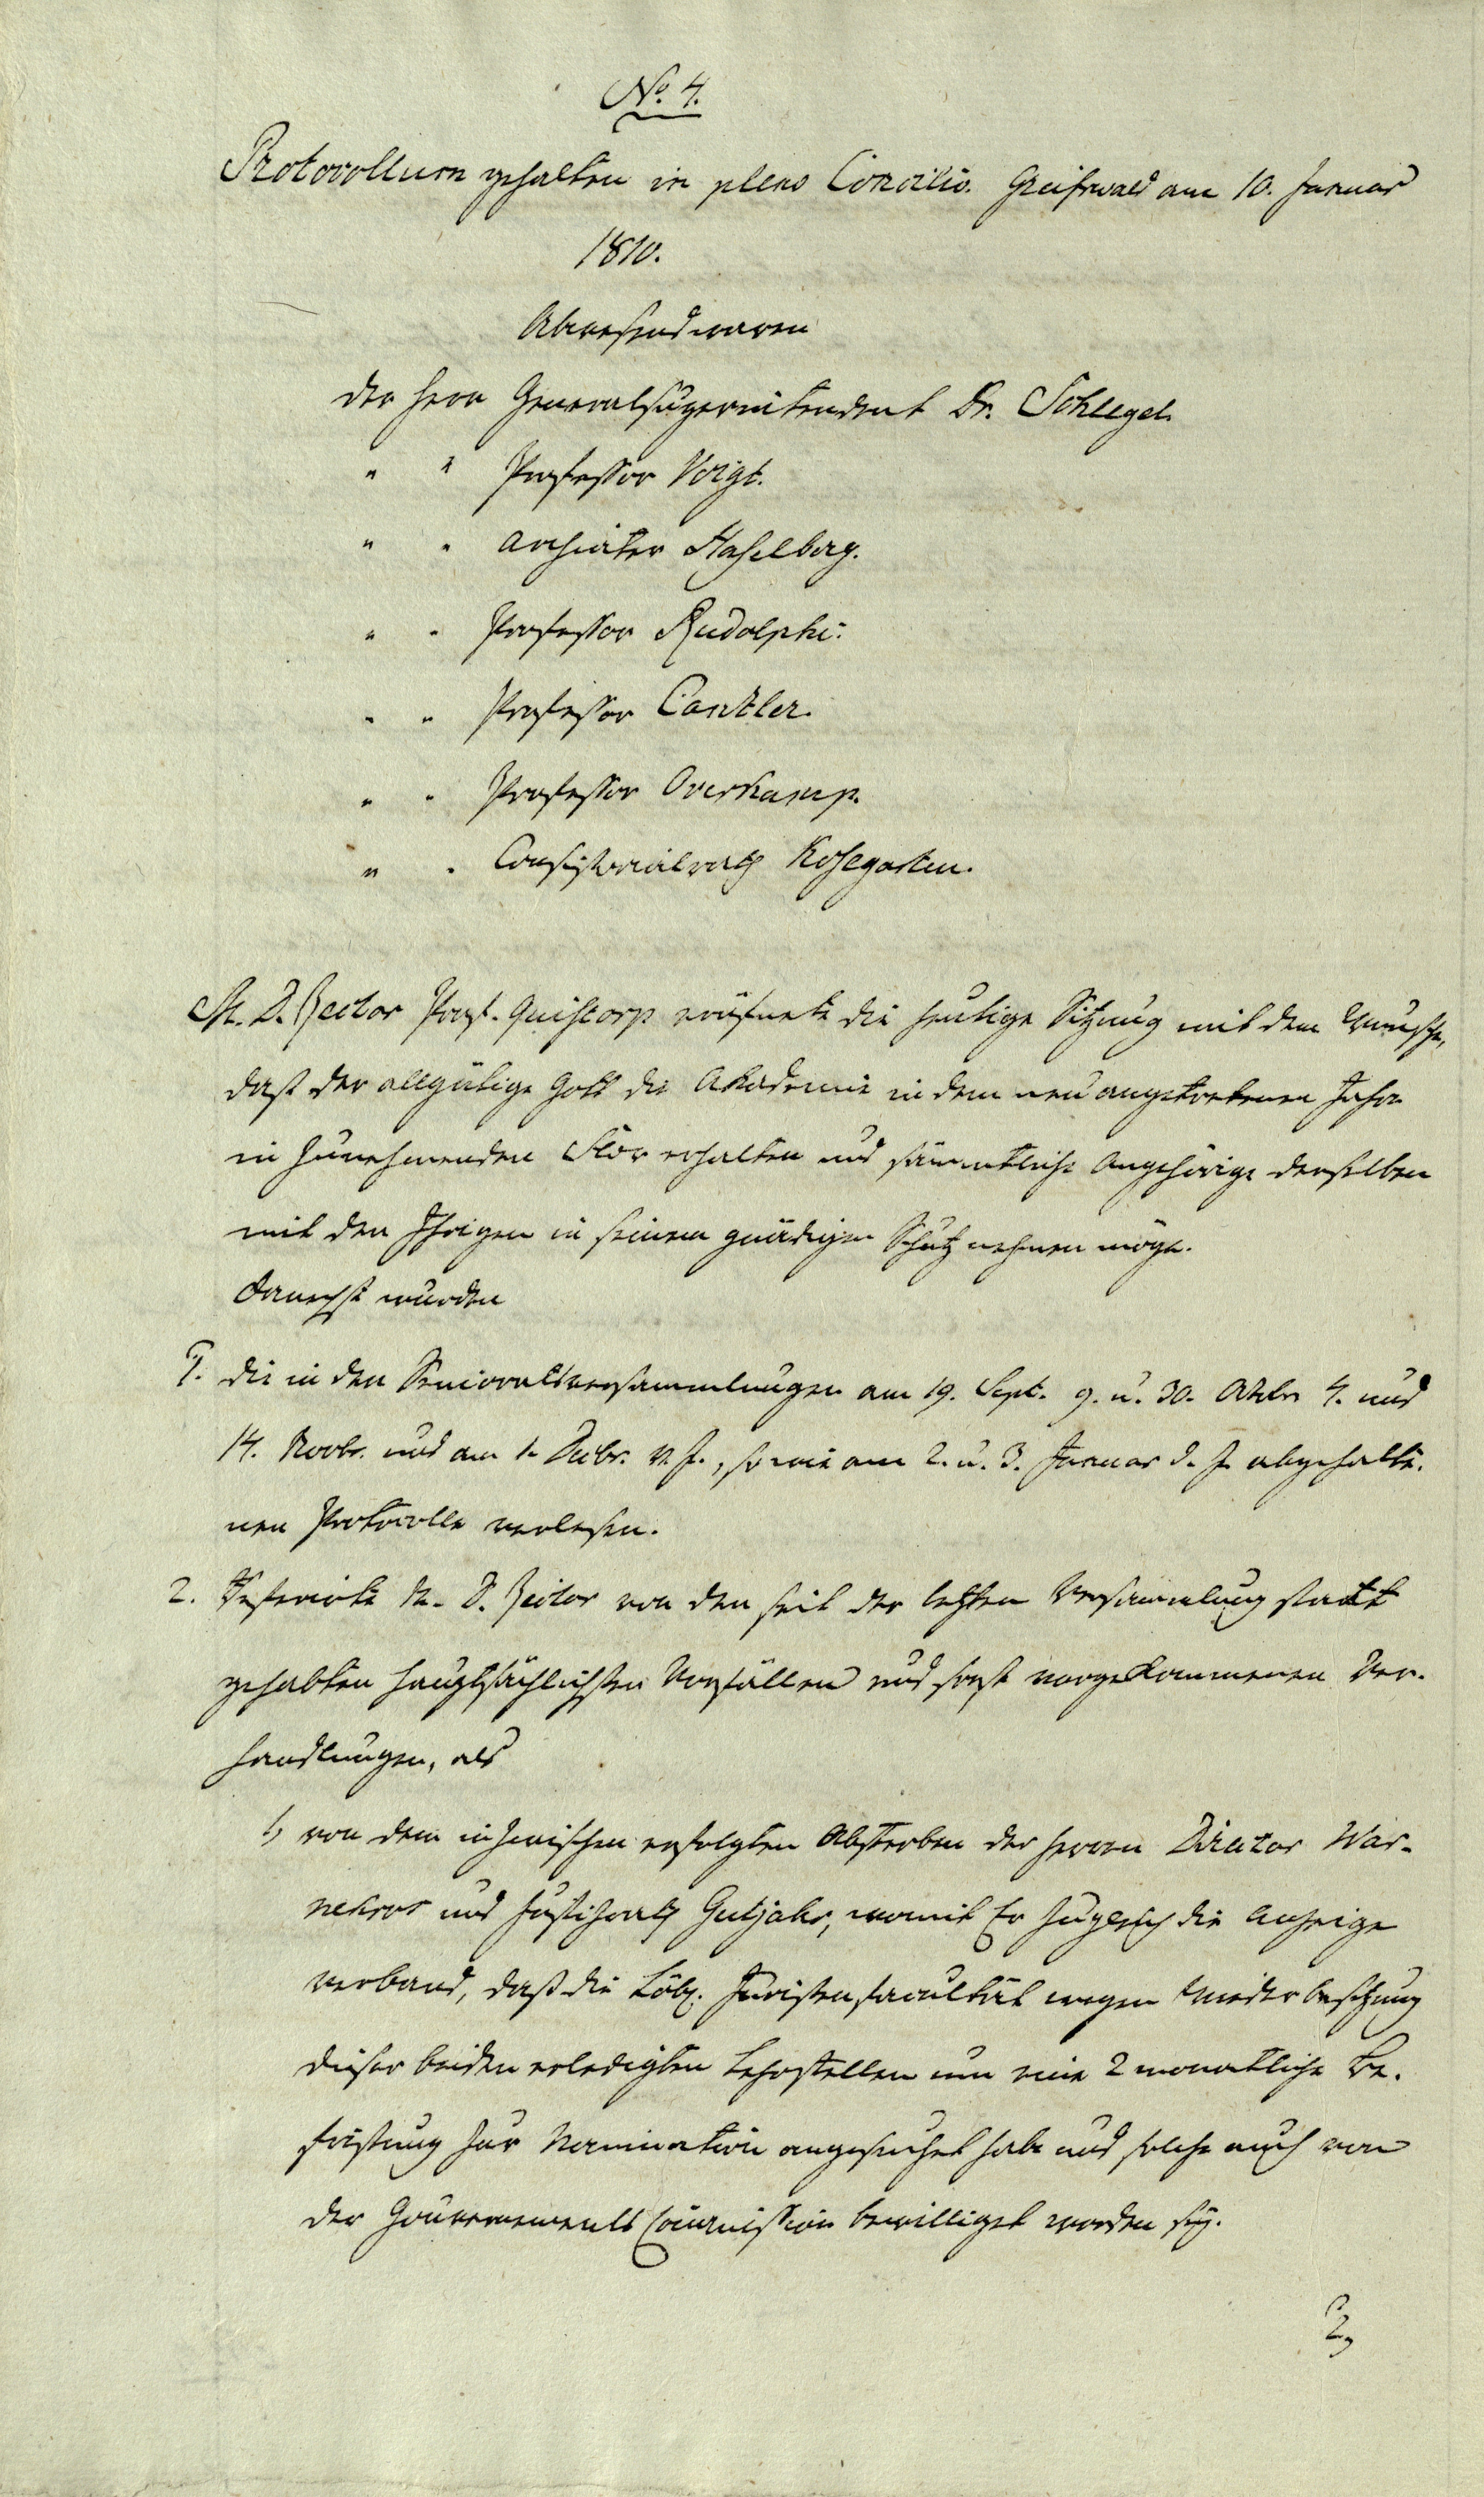No 4.
Protocollum gehalten in pleno Concilio Greifswald am 10. Januar
1810.
Abwesend waren
der Herr Generalsuperintendent Dr. Schlegel.
Professor Voigt.
Archiater Haselberg.
Professor Rudolphi.
Professor Canzler
Professor Overkamp.
Consistorialrath Kosegarten.
M. D. Rector Prof. Quistorp eröfnete die heutige Sitzung mit dem Wunsche,
daß der allgütige Gott die Akademie in dem neu angetretenen Jahre
in zunehmenden Flor erhalten und sämmtliche Angehörige derselben
mit den Ihrigen in seinem gnädigen Schutz nehmen möge.
Danechst wurden
1. die in den Senioratsversammlungen am 19. Sept. 9. u. 30. Octbr. 4. und
14. Novbr. und am 1. Decbr. v. J., so wie am 2. u. 3. Januar d. J. abgehalte¬
nen Protocolle verlesen.
2. Referirte M. D. Rector von den seit der letzten Versammlung statt
gehabten hauptsächlichen Vorfällen und sonst vorgekommenen Ver¬
handlungen, als
1, von dem inzwischen erfolgten Absterben der Herren Director War¬
nekros und Justizrath Gutjahr, womit Er zugleich die Anzeige
verband, daß die Löbl. Juristenfacultät wegen Wiederbesetzung
dieser beiden erledigten Lehrstellen um eine 2 monatliche Be¬
fristung zur Nomination angesuchet habe und solche auch von
der Gouvernements Commission bewilliget worden seÿ.
2,